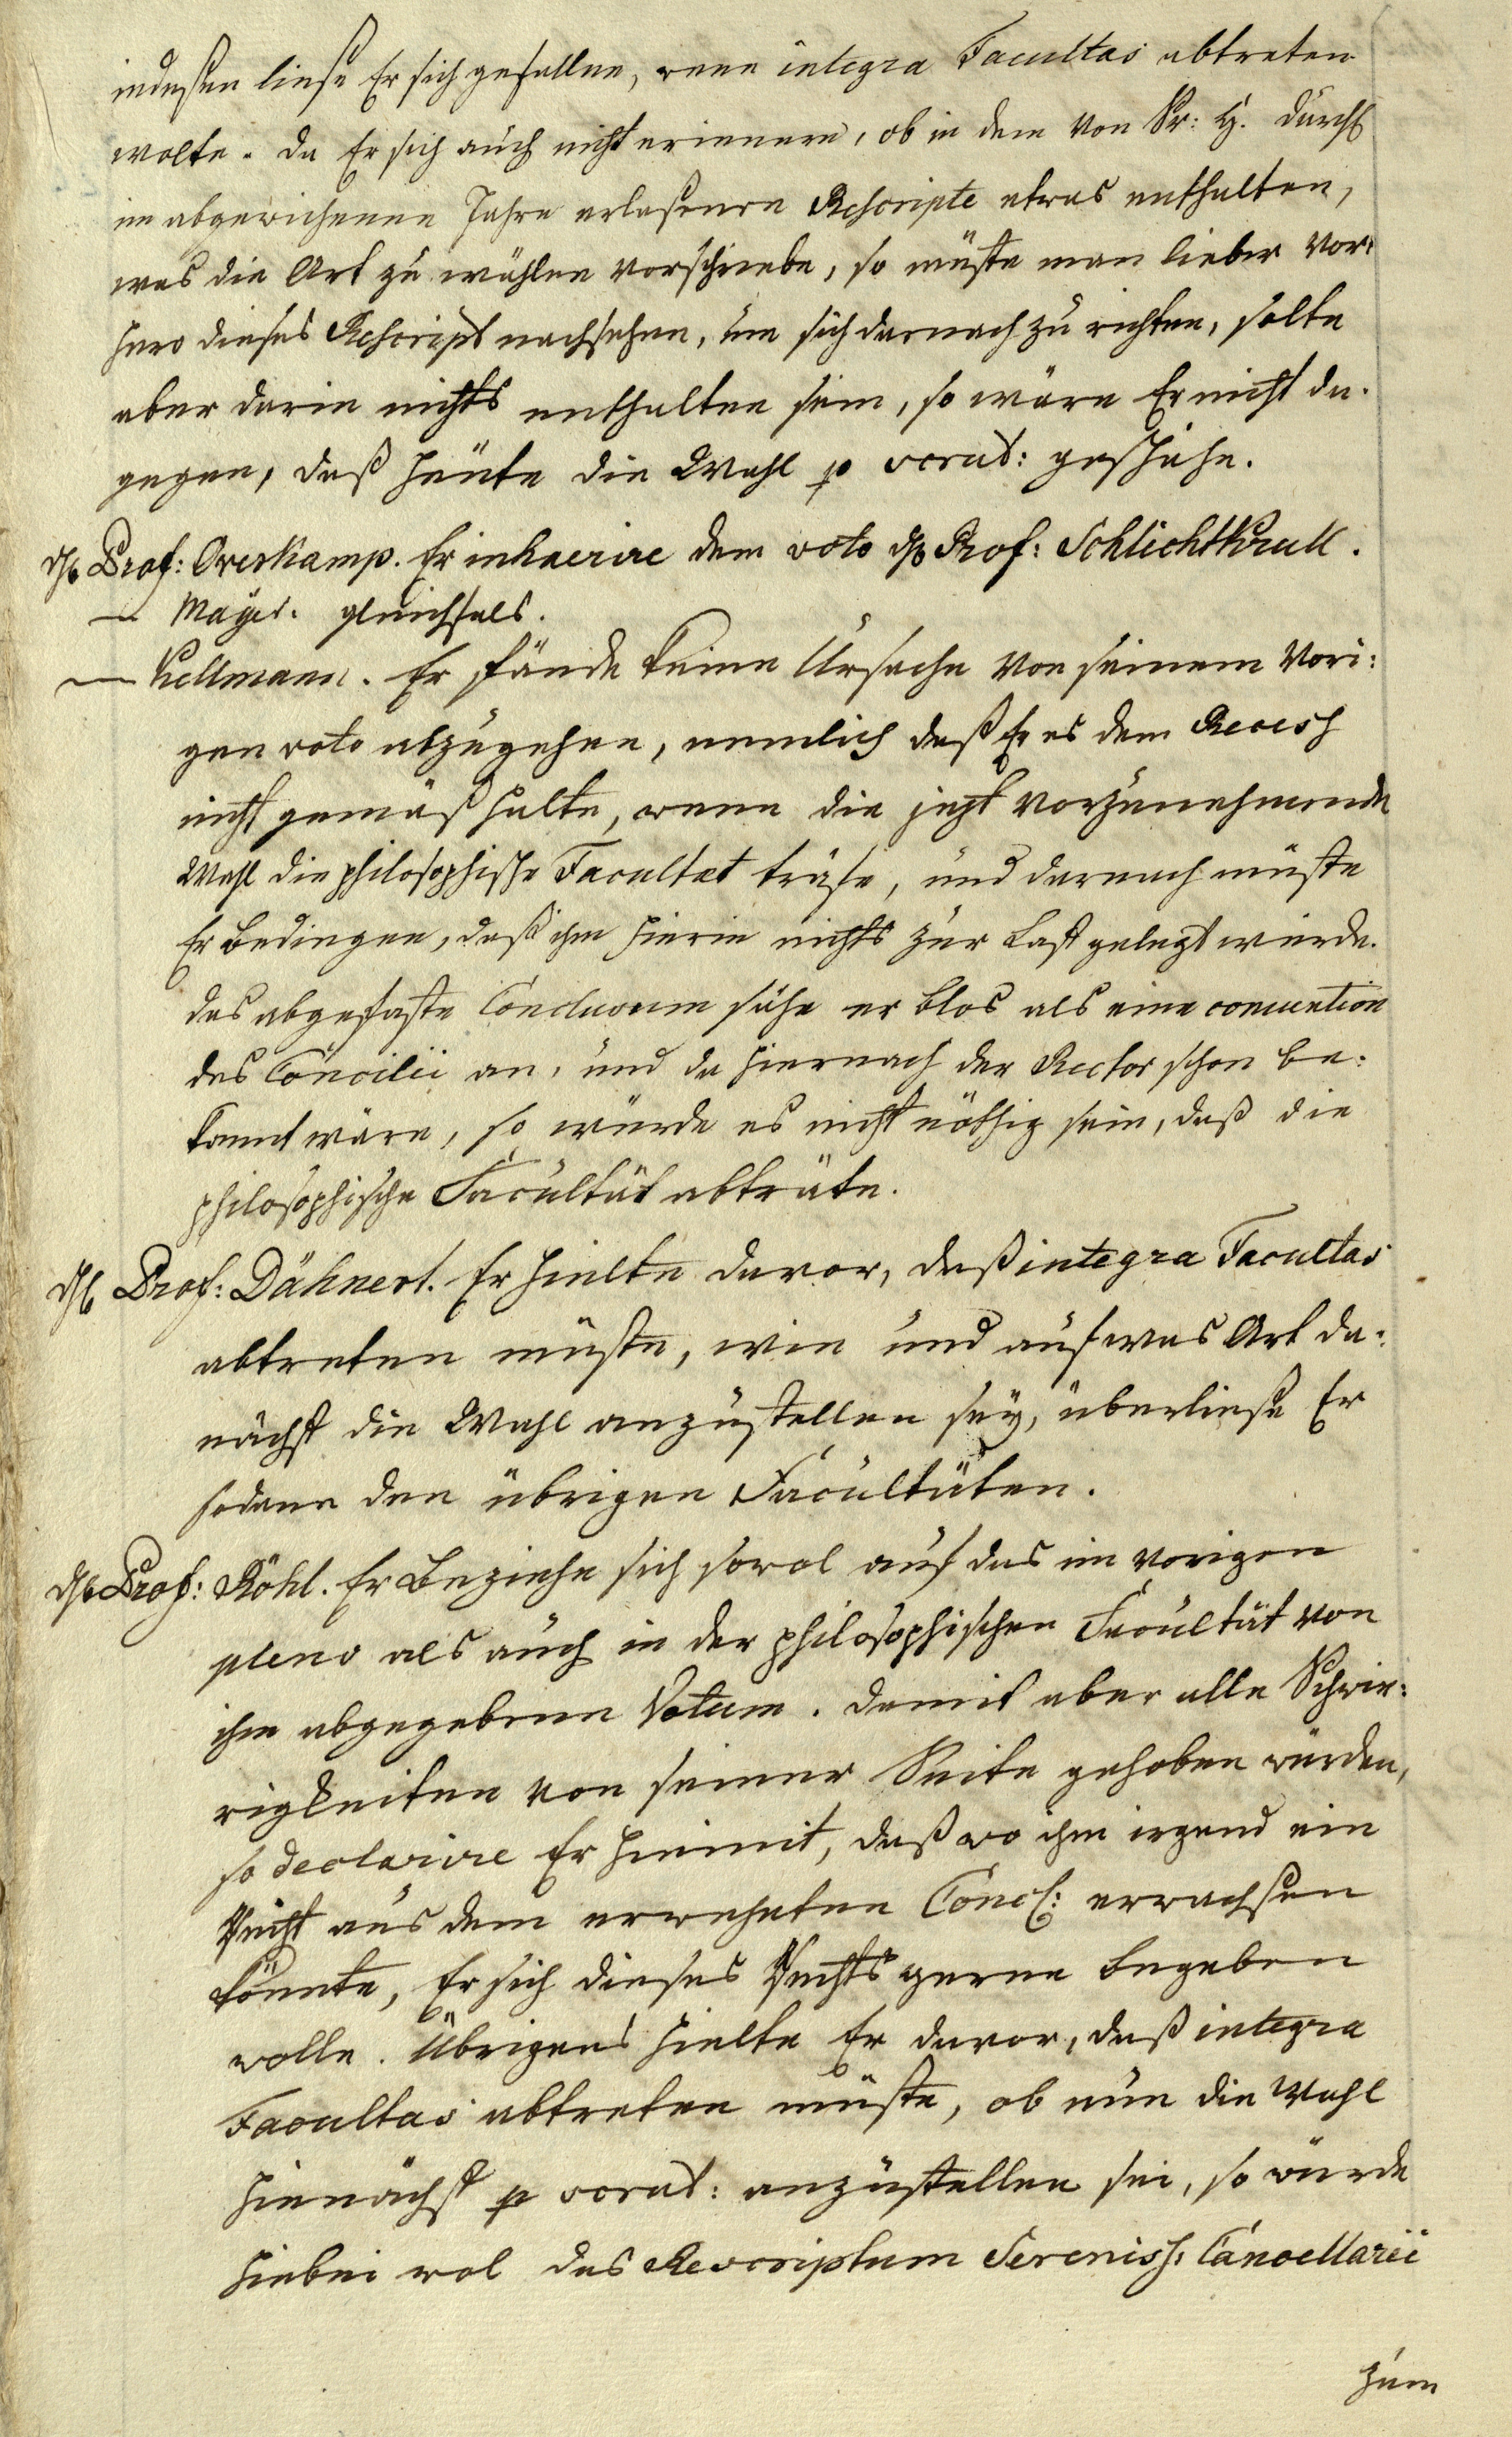indeßen ließe Er sich gefallen, wenn integra Facultas abtreten
wolte. Da Er sich auch nicht erinnere, ob in dem von Sr H. Durchl
im abgewichenen Jahre erlaßenen Rescripte etwas enthalten,
was die Art zu wählen vorschriebe, so müste man lieber vor¬
hero dieses Rescript nachsehen, um sich darnach zu richten, solte
aber darin nichts enthalten sein, so wäre Er nicht da¬
gegen, daß heute die Wahl p. scrut. geschähe.
dh Prof. Overkamp. Er inhaerire dem voto dh Prof. Schlichtkrull.
Maÿer. gleichfals.
Kellmann. Er fände keine Ursache von seinem vori¬
gen voto abzugehen, nemlich daß Er es dem Recess
nicht gemäß halte, wenn die jezt vorzunehmende
Wahl die philosophische Facultaet träfe, und darnach müste
Er bedingen, daß ihm hierin nichts zur Last gelegt würde.
Das abgefaste Conclusum sähe er blos als eine comuntion
des Concilii an, und da hiernach der Rector schon be¬
kannt wäre, so würde es nicht nöthig sein, daß die
philosophische Facultät abträte.
dh Prof. Dähnert. Er hielte davor, daß integra Facultas
abtreten müste, wie und auf was Art da¬
nächst die Wahl anzustellen seÿ, überließe Er
sodann den überigen Facultäten.
dh Prof. Röhl. Er beziehe sich sowol auf das im vorigen
pleno als auch in der philosophischen Facultät von
ihm abgegebene Votum. Damit aber alle Schwie¬
rigkeiten von seiner Seite gehoben würden,
so declarire Er hiemit, daß wo ihm irgend ein
Recht aus dem erwehnten Concl. erwachsen
könnte, Er sich dieses Rechts gerne begeben
wolle. Übrigens hielte Er davor, daß integra
Facultas abtreten müste, ob nun die Wahl
hienechst p scrut. anzustellen sei, so würde
hiebei wol das Rescriptum Sereniss. Cancellarii